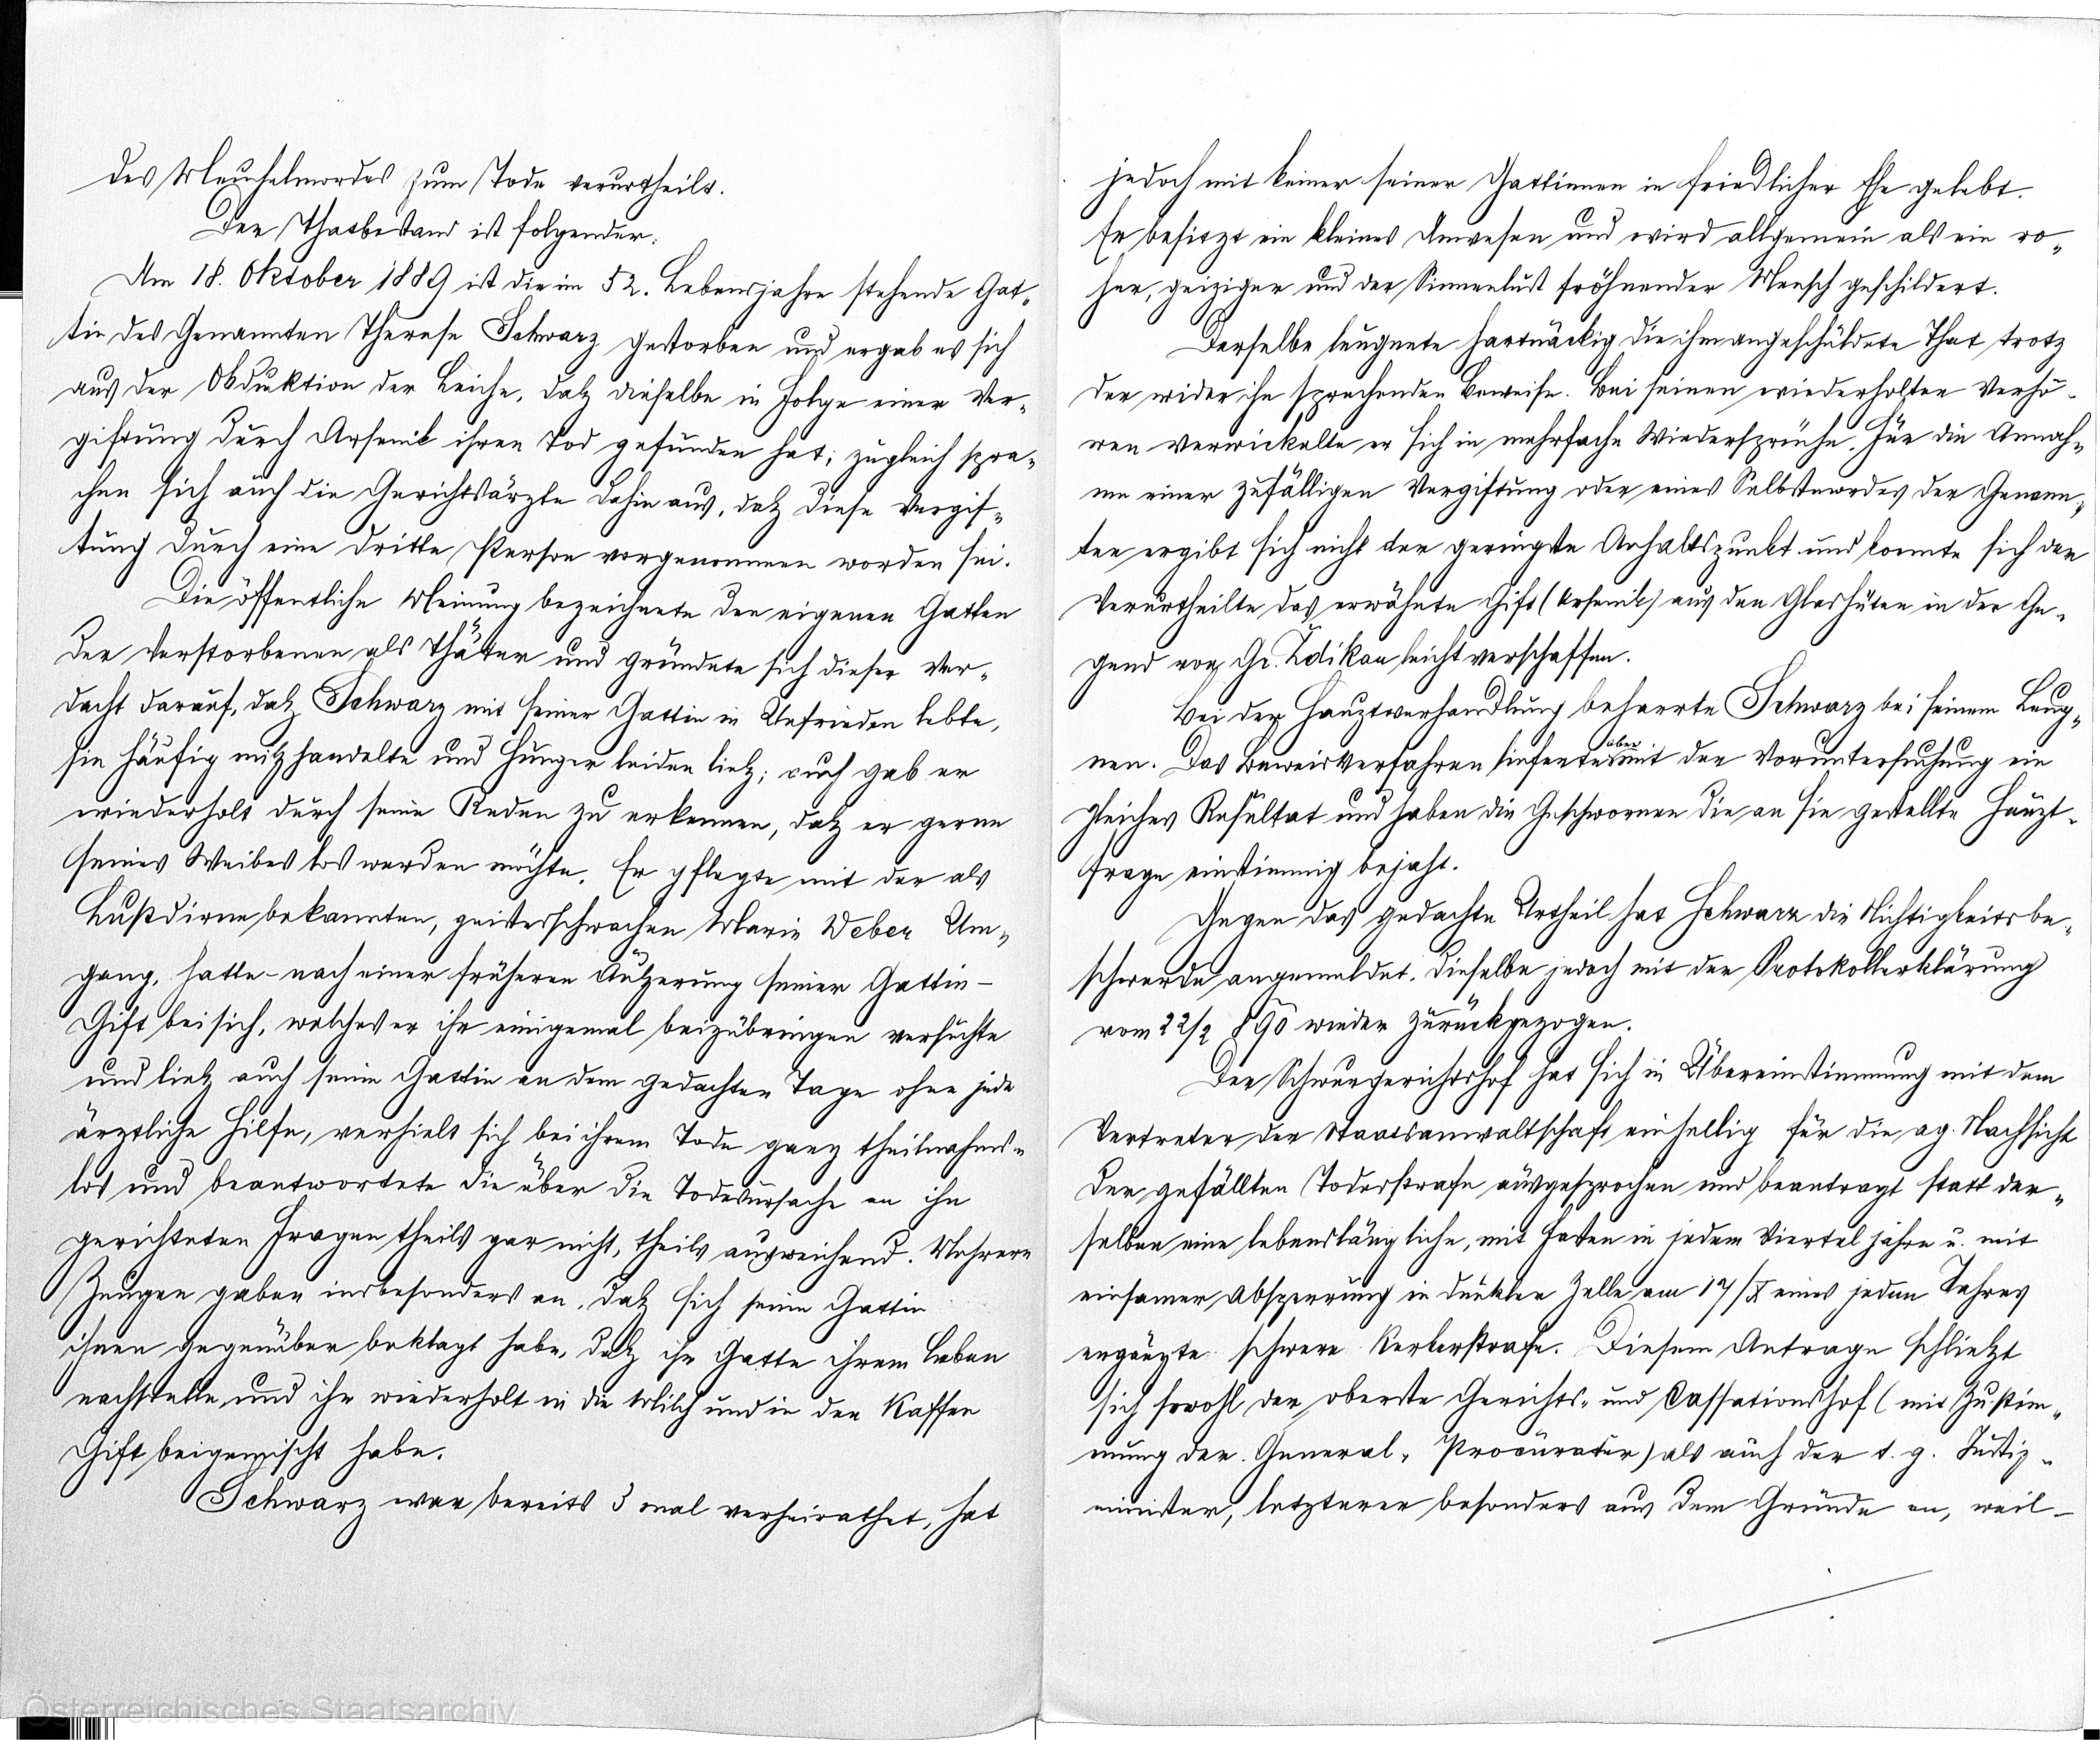des Meuchelmordes zum Tode verurtheilt.
Der Thatbestand ist folgender.
Am 18. Oktober 1889 ist die im 52. Lebensjahre stehende Gat¬
tin des Genannten Therese Schwarz gestorben und ergeb es sich
aus der Obduktion der Leiche, daß dieselbe in Folge einer Ver¬
giftung durch Arsenit ihren Tod gefunden hat, zugleich spra¬
chen sich auch die Gerichtsärzte dahin aus, daß diese Vergif¬
tung durch eine Dritte Person vorgenommen worden sei.
Die öffentliche Meinung bezeichnete den eigenen Gatten
der verstorbenen als Thäter und gründete sich dieser ver¬
dacht darauf, daß Schwarz mit seiner Gattin in Unfrieden lebte,
sie Häufig mißhandelte und Hunger leiden ließ; auch geb er
wiederholt durch seine Reden zu erkennen, daß er gerne
seines Weibes los werden möchte. Er pflegte mit der als
Lustdirne bekannten, geistesschwachen Marie Weber Um¬
gang, hatte-nach einer früheren Äußerung seiner Gattin-
Gift bei sich, welches er ihr einigemal beizubringen versuchte
und ließ auch seine Gattin an dem gedachten Tage ohne jede
ärztliche Hilfe, verhielt sich bei ihrem Tode ganz theilnahms¬
los und beantwortete die über die Todesursache an ihn
gerichteten Fragen theils gar nicht, theils ausweichend. Mehrere
Zungen gaben insbesonders an, daß sich seine Gattin
ihnen gegenüber beklagt habe, daß ihn Gatte ihrem laben
nachstelle und ihr wiederholt in die Milch und in den Kaffen
Gift beigemischt habe.
Schwarz war bereits 3 mal verheirathet, hat
jedoch mit keiner seiner Gattinnen in Friedlicher Ehe gelebt.
Er besitzt ein kleines Anwesen und wird allgemein als ein ro¬
her, geiziger und der Sinnenlust fröhnender Mensch geschildert.
Derselbe leugnete Hartnäckig die ihm angeschuldete That trotz
der wider ihn sprechenden Beweise. Bei seinen wiederholten verhö¬
ren verwickelte er sich in mehrfache Wiedersprühe. Für die Annah¬
me einer zufälligen Vergiftung oder eines Selbstxxdes der Genann¬
ten ergibt sich nicht der geringste Anhaltspunkt und formte sich der
Verurtheilte das erwähnte Gift (Krxx) aus den Glashüten in der Ge¬
gend von Gr. Zdikau leicht verschaffen.
Bei der Hauptverhandlung beharrte Schwarz bei seinem Leug¬
nen. Das Beweisverfahren xxfente aber mit den Vorunterfruhung ein
gleiches Resultat und haben die Geschwornen die an sie gestellte Haupt¬
frage einstimmig bejaht.
Gegen das gedachte Urtheil hat Schwarz die Nichtigkeitsbe¬
schwerde angemeldet. Dieselbe jedoch mit der Protokollerklärung
vom 22/2 890 wieder zurückgezogen.
Der Schwurgerichoshof hat sich in Übereinstimmung mit dem
Vertreter der Staatsanwaltschaft einhellig für die ag. Nachsicht
der gefällten Todesstrafe ausgesprochen und beantragt statt der¬
selben eine lebenslängliche, mit Harten in jedem Vierteljahre u. mit
einsamer Absperrung in dunkler Zelle am 17/X eines jedem xxahres
ergänzte schwere Kerkerstrafe. Diesem Antrage schließt
sich sowohl der oberste Gerichts- und Cassationshof (mit Zustim¬
mung der General, Procuratur) als auch der xx g. Justiz¬
minister, letzterer besonders aus dem Gründe an, weil-